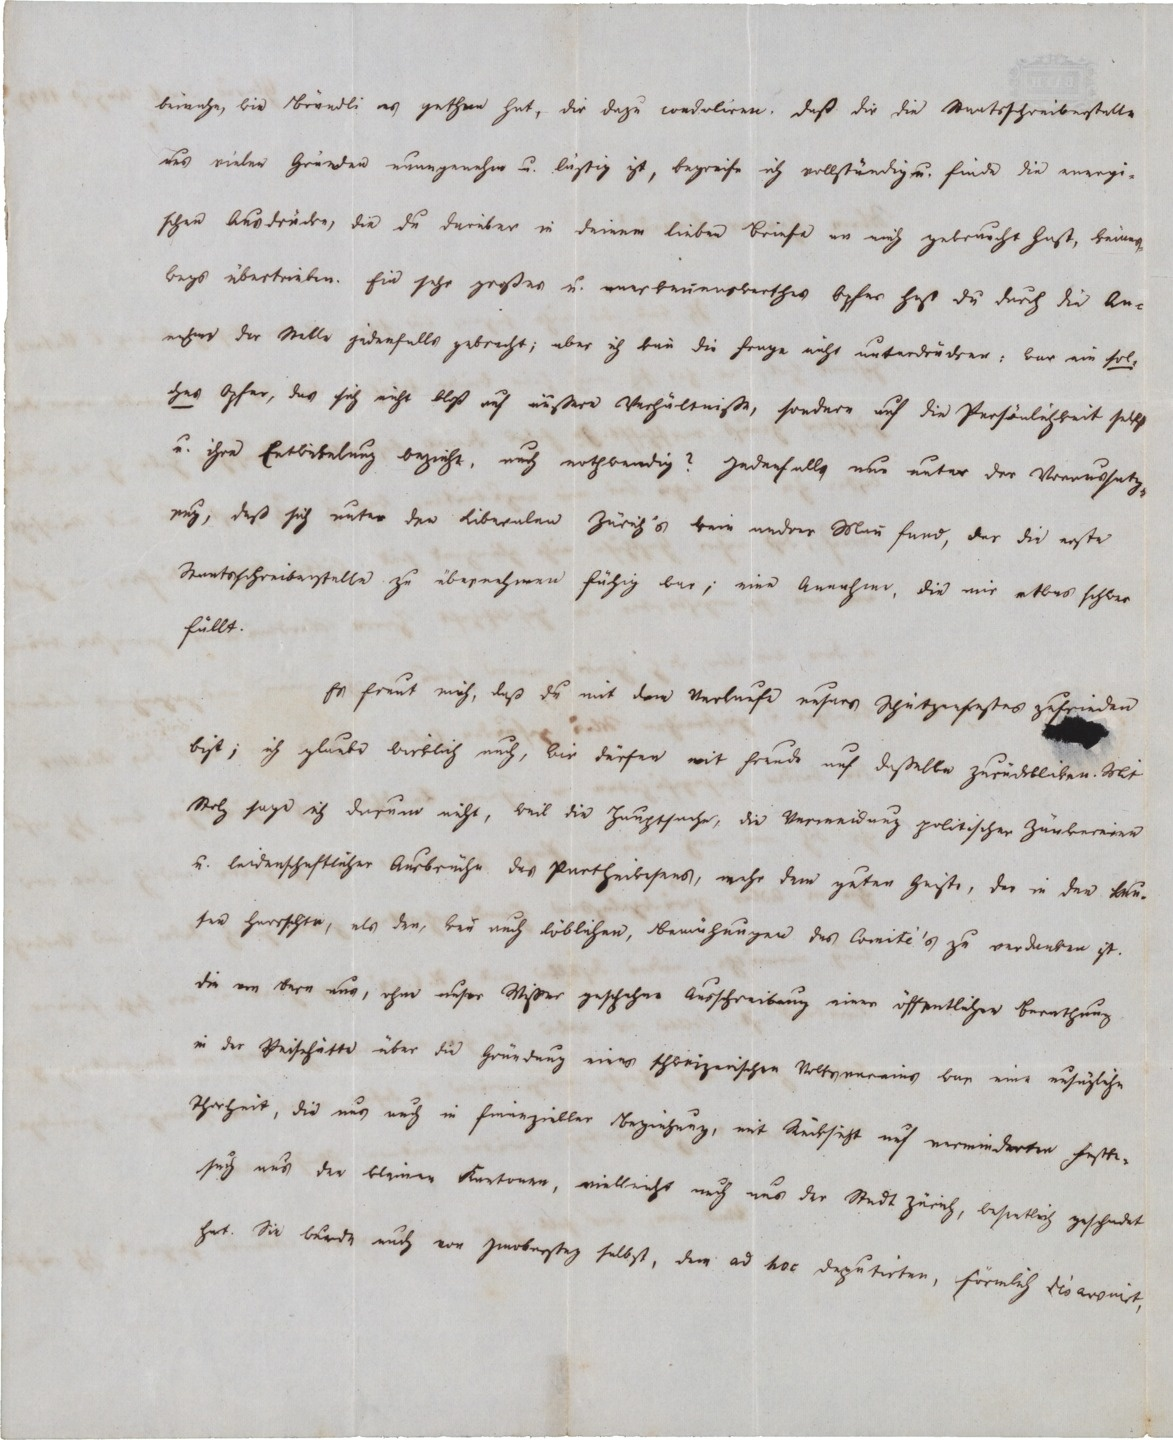beinahe, wie Brändli es gethan hat, Dir dazu condoliren. Daß Dir die Staatsschreiberstelle
aus vielen Gründen unangenehm u. lästig ist, begreife ich vollständig u. finde die energi-
schen Ausdrücke, die Du darüber in Deinem lieben Briefe an mich gebraucht hast, keines-
wegs übertrieben. Ein sehr großes u. anerkennenswerthes Opfer hast Du durch die An-
nahme der Stelle jedenfalls gebracht; aber ich kann die Frage nicht unterdrücken: war ein sol-
ches Opfer, das sich nicht bloß auf äußere Verhältnisse, sondern auf die Persönlichkeit selbst
u. ihre Entwickelung bezieht, auch nothwendig? Jedenfalls nur unter der Voraussetz-
ung, daß sich unter den Liberalen Zürich's kein andrer Mann fand, der die erste
Staatsschreiberstelle zu übernehmen fähig war; eine Annahme, die mir etwas schwer
fällt.
Es freut mich, daß Du mit dem Verlaufe unsers Schützenfestes zufrieden
bist; ich glaube wirklich auch, wir dürfen mit Freude auf dasselbe zurückblicken. Mit
Stolz sage ich darum nicht, weil die Hauptsache, die Vermeidung politischer Zänkereien
u. leidenschaftlicher Ausbrüche des Partheiwesens, mehr dem guten Geiste, der in den Leu-
ten herrschte, als den, wenn auch löblichen, Bemühungen des Comité's zu verdanken ist.
Die von Bern aus, ohne unser Wissen geschehne Ausschreibung einer öffentlichen Berathung
in der Speisehütte über die Gründung eines schweizerischen Volksvereins war eine unsägliche
Thorheit, die uns auch in finanzieller Beziehung, mit Rücksicht auf verminderten Festbe-
such aus den kleinen Kantonen, vielleicht auch aus der Stadt Zürich, wesentlich geschadet
hat. Sie wurde auch von Imobersteg selbst, dem ad hoc Deputirten, förmlich désavouirt,